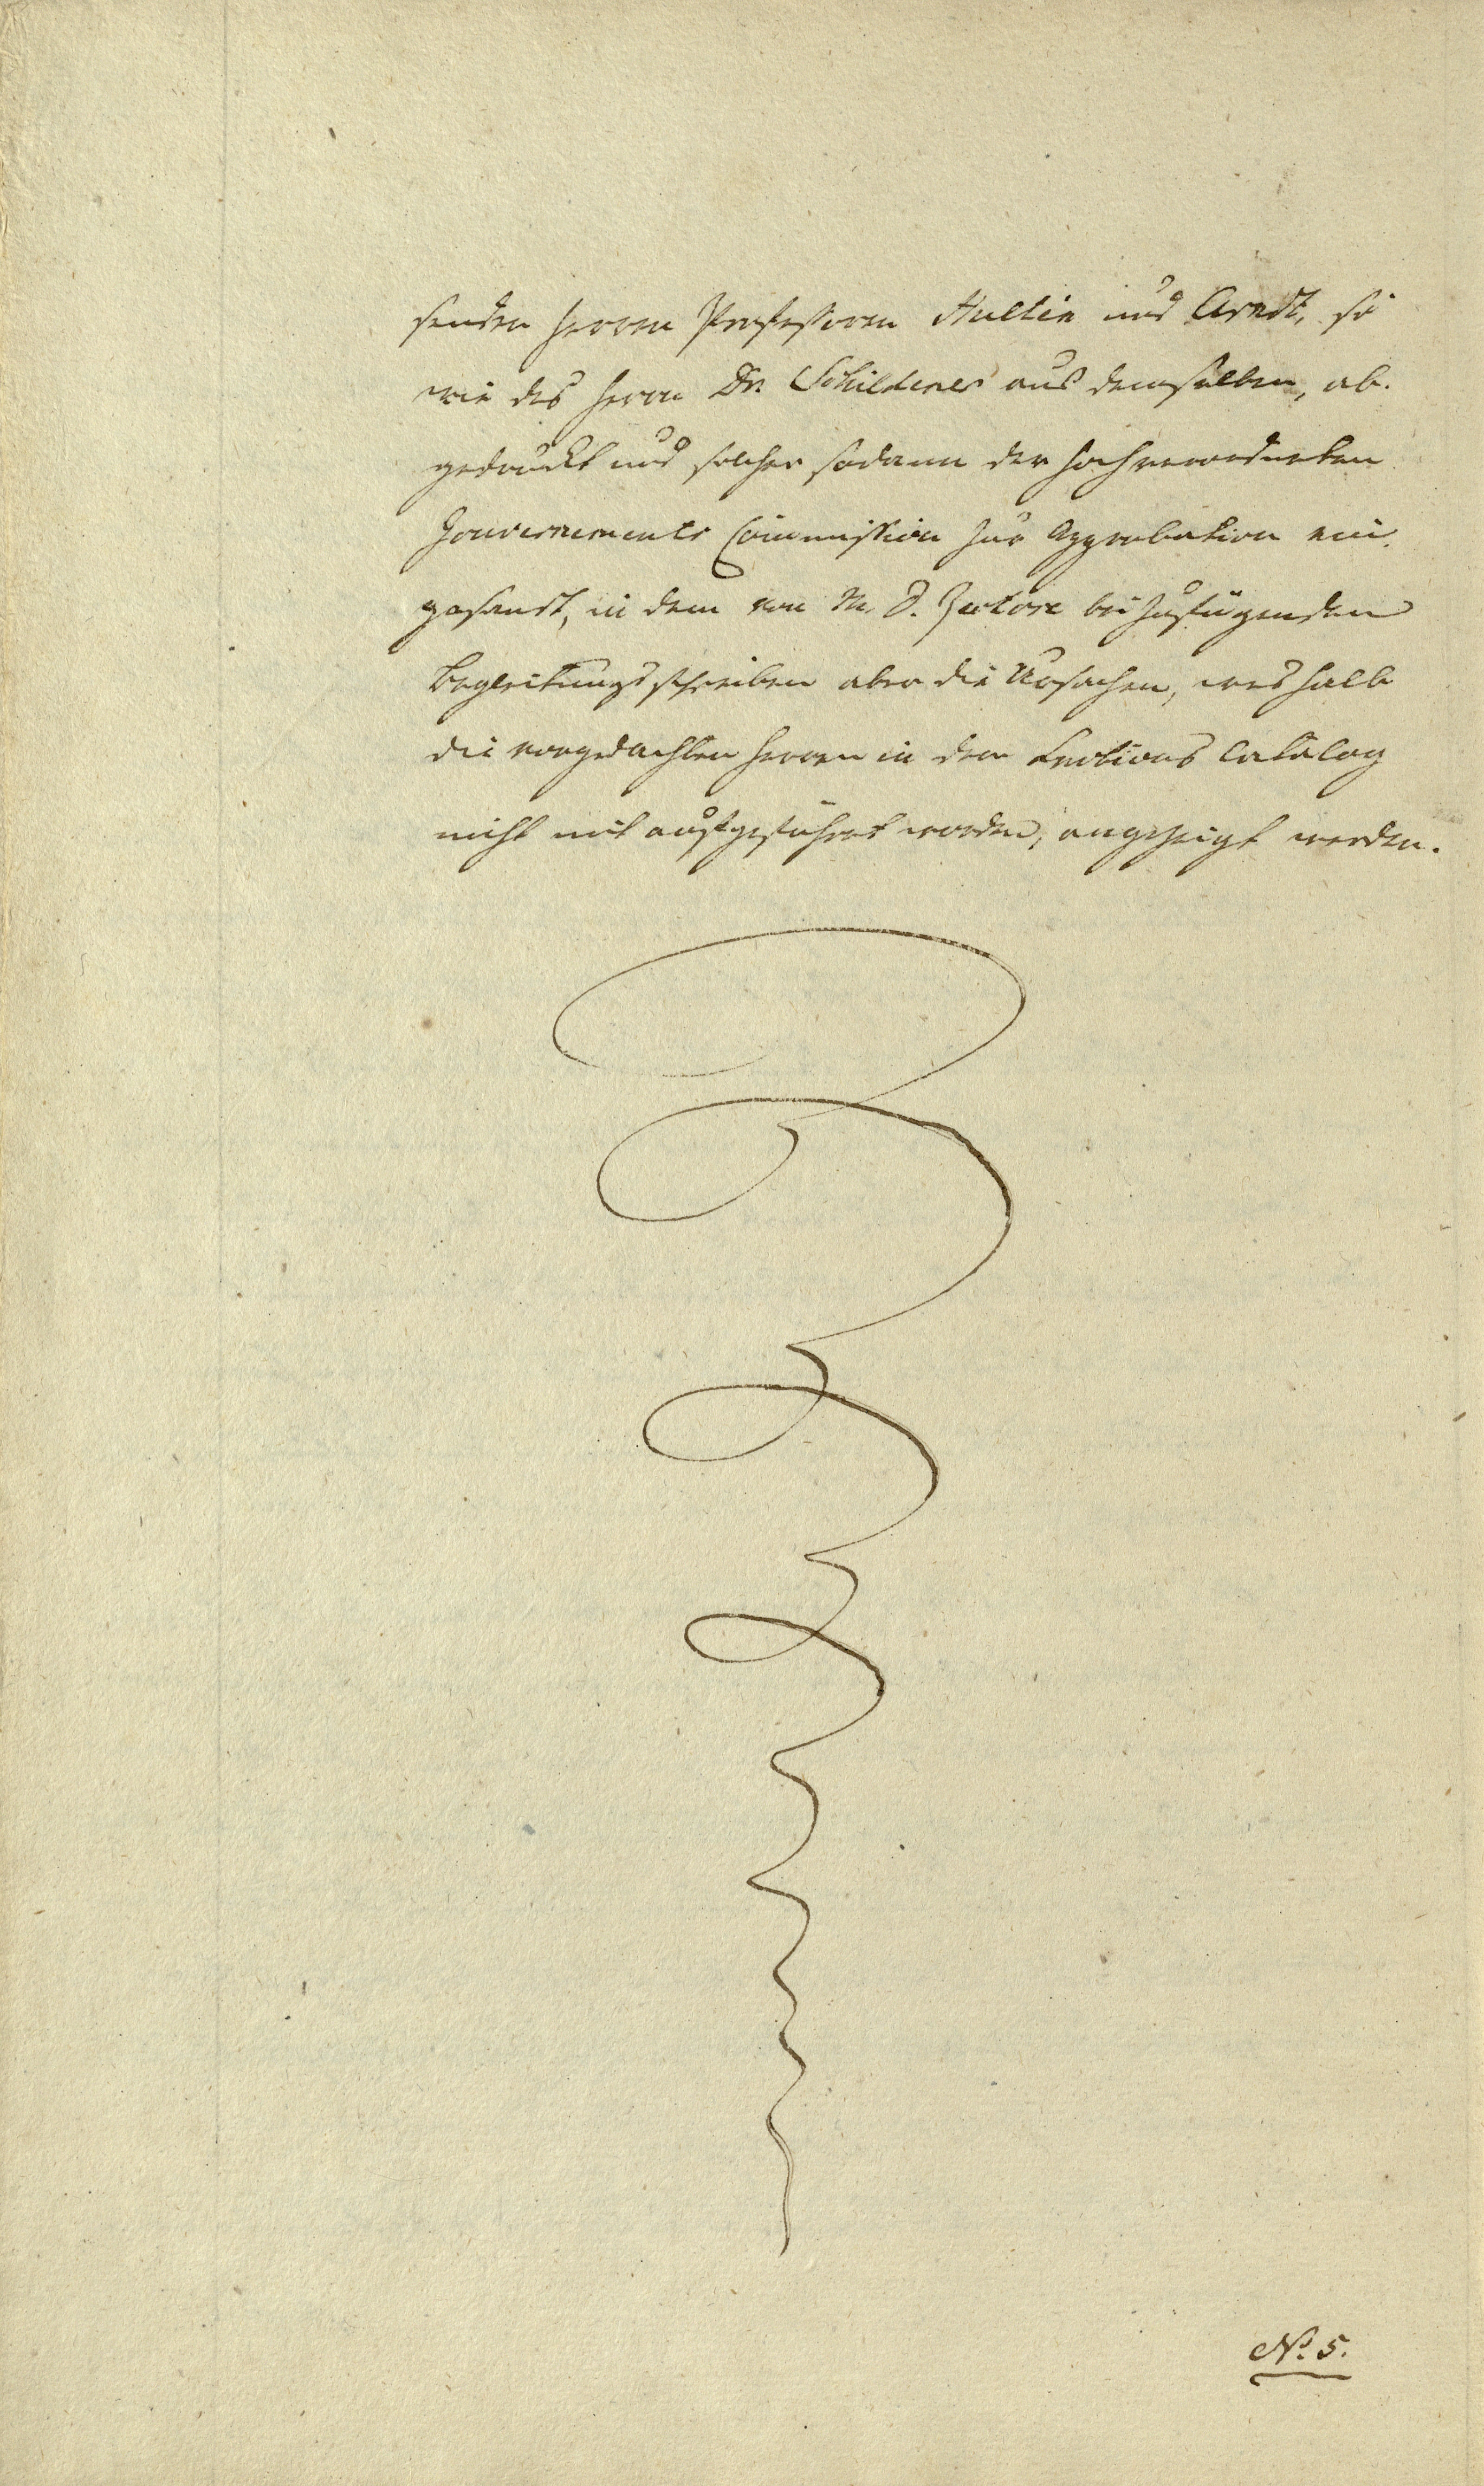senden Herren Professoren Hultén und Arndt, so
wie des Herrn Dr. Schildener aus demselben, ab¬
gedruckt und solcher sodann der hochverordneten
Gouvernements Commission zur Approbation ein¬
gesandt, in dem von M. D. Rectore beizufügenden
Begleitungsschreiben aber die Ursachen, weshalb
die vorgedachten Herren in dem Lections Catalog
nicht mit aufgeführet worden, angezeigt werden.
No 5.